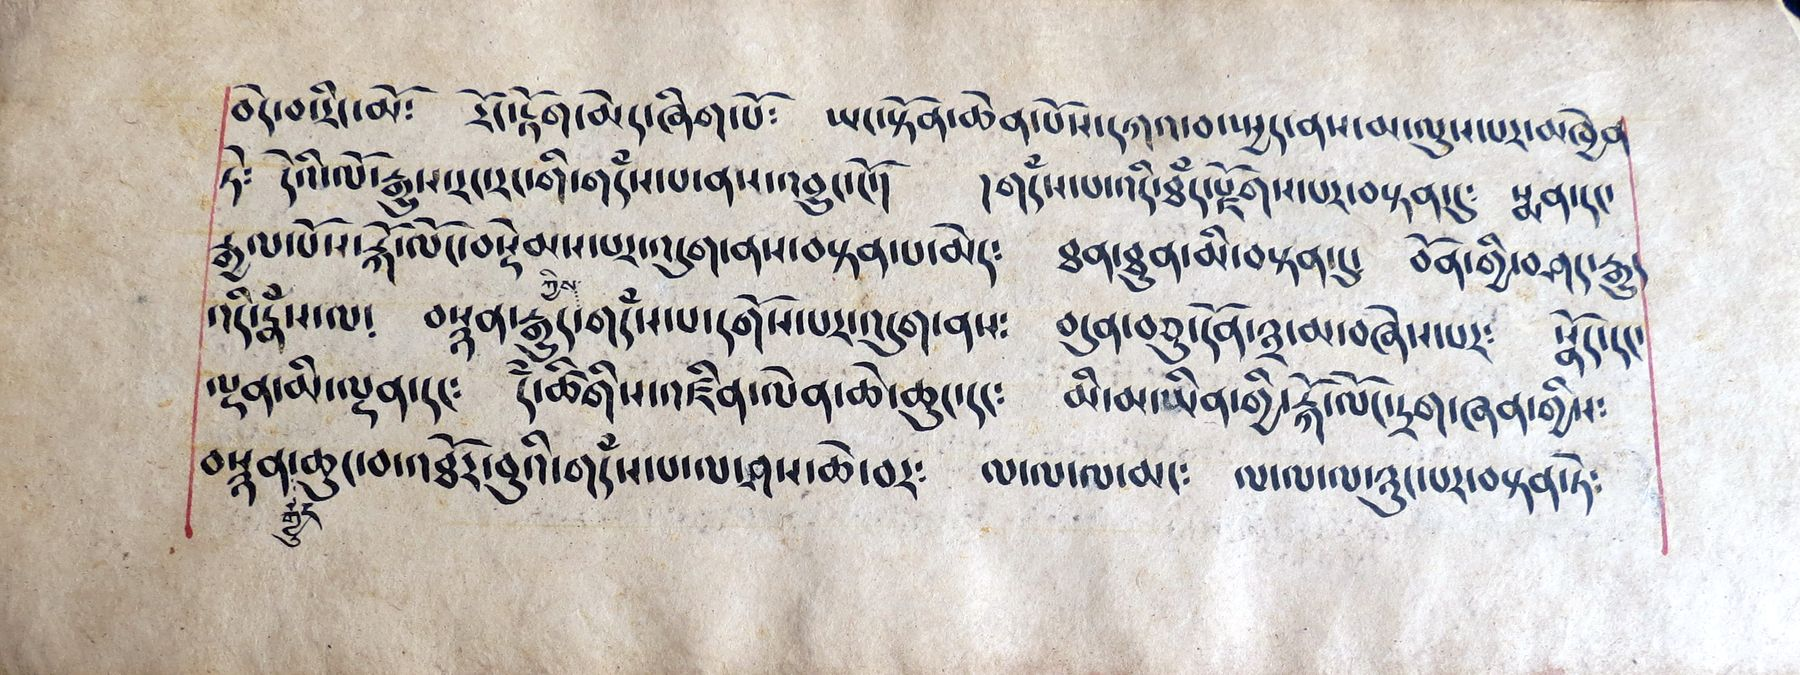བདེ་བ་རིང་མོ། རོང་རྟོག་མེད་ཞིག་པོ། ཡང་སྟོན་ཆེན་པོས་དཀའ་བ་སྤྱད་ནས་མ་ལུས་པར་མཁྱེན་
ཏེ། དེའི་ལོ་རྒྱུས་རང་རང་གི་གདམས་པ་ནས་འབྱུང་ངོ་། གདམས་པ་འདི་ཐམས་ཅད་རྫོགས་པར་བསྟན་དུ་སྨན་དང་
རྒྱལ་པོས་རྐོ་ལོང་བསྡེམས་པར་འདུག་ནས་བསྟན་པ་མེད། ཐན་ཐུན་མི་བསྟན་དུ་བོན་གྱི་བཤད་རྒྱུད་
འདི་རྣམས་ལ། བསྙན་བརྒྱུད་ཀྱིས་གདམས་པ་དགོས་པར་འདུག་ནས། བདུན་ཅུ་དོན་གསུམ་མ་བཞེས་པར། སྣོད་དང་
ལྡན་མི་ལྡན་དང་། དམ་ཚིག་གིས་འཛིན་ལེན་ཆེ་ཆུང་དང་། མི་མ་ཡིན་གྱི་རྐོ་ལོང་དྲག་ཞན་གྱིས་
སྙན་རྒྱུད་ཆུང་བ་འཐོར་བུའི་གདམས་པ་ལ་ཤས་ཆེ་བར། ལ་ལ་ལ་མང་། ལ་ལ་ལ་ཉུང་བར་བསྟན་ཏེ།